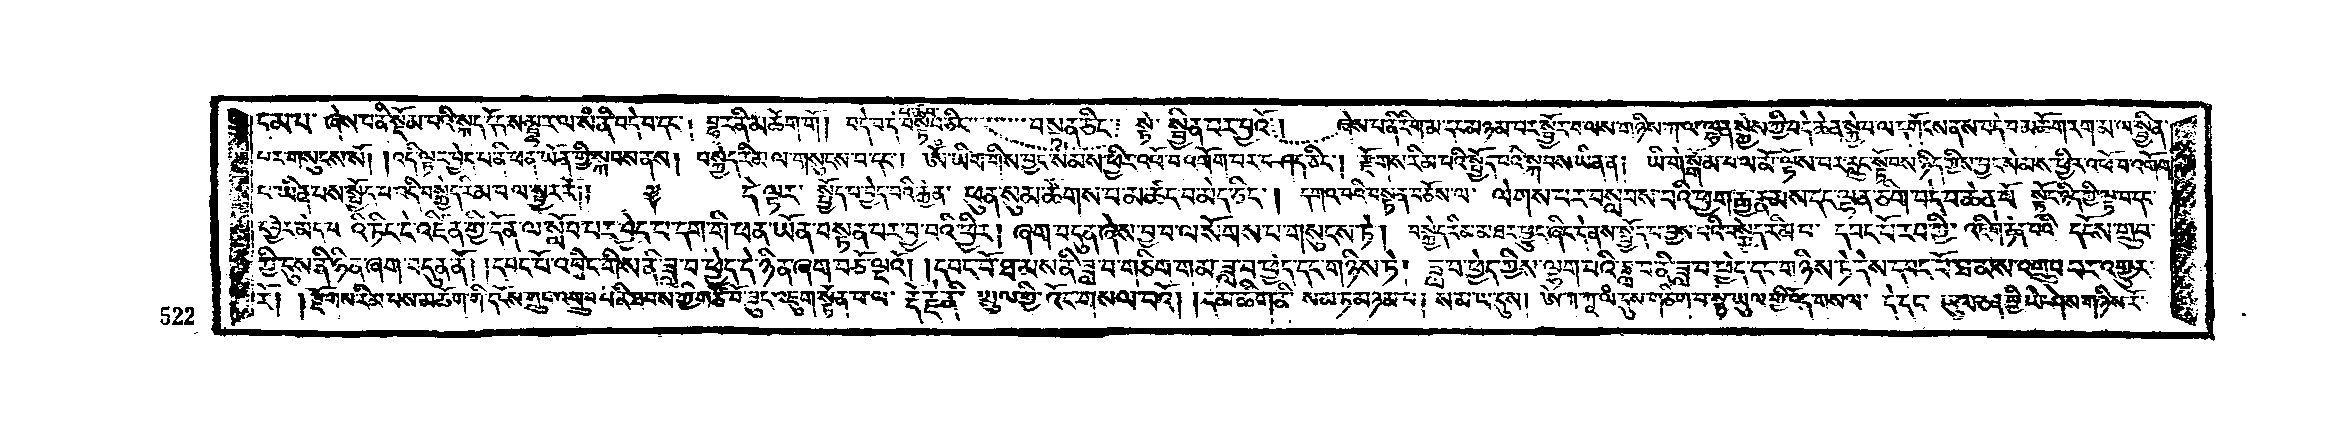དམ་པ་ཞེས་པ་ནི་སྡོམ་པའི་སྐད་དོད་སམྦྷ་ར་ལ་སཾ་ནི་བདེ་བ་དང་། བྷ་ར་ནི་མཆོག་གོ །བདེ་བ་དེ་པ་ཚབ་བསྟབ་ཅིང་བསྟན་ཅིང་སྟེ་སྦྱིན་པར་བྱའོ། ཞེས་པ་ནི་རིག་མ་དང་མཉམ་པར་སྦྱོར་བ་ལས་གཉིས་ཀ་ལ་ལྷན་སྐྱེས་ཀྱི་བདེ་ཆེན་སྐྱེ་བ་ལ་དགོངས་ནས་བདེ་བ་མཆོག་རིག་མ་ལ་སྦྱིན་
པར་གསུངས་སོ། །འདི་ལྟར་བྱེད་པ་ནི་ཕན་ཡོན་གྱི་སྐབས་ནས། བསྐྱེད་རིམ་ལ་གསུངས་པ་དང་། ཨོཾ་ཡིག་གིས་བྱང་སེམས་ཕྱིར་འབོར་འགོག་པར་བཤད་ཅིང་། རྫོགས་རིམ་པའི་སྤྱོད་པའི་སྐབས་ཡིན་ན། ཡི་གེ་སྒོམ་པ་ལ་མི་ལྟོས་པར་རླུང་སྟོབས་ཉིད་ཀྱིས་བྱང་སེམས་ཕྱིར་འཕོ་བ་འགོག་
པ་ཡིན་པས་སྤྱོད་པ་འདི་བསྐྱེད་རིམ་པ་ལ་སྦྱར་རོ།། ༈ དེ་ལྟར་སྤྱོད་པ་བྱེད་པའི་རྐྱེན་ཕུན་སུམ་ཚོགས་པ་མ་ཚང་བ་མེད་ཅིང་། དགའ་བའི་བསྟན་བཅོས་ལ་ལེགས་པར་བསྒླབས་པའི་ཕྱག་རྒྱ་རྣམས་དང་ལྷན་ཅིག་བདེ་བ་ཆེན་པོ་སྟོང་ཉིད་ཀྱི་ལྟ་བ་དང་
དབྱེར་མེད་པའི་ཏིང་ངེ་འཛིན་གྱི་དོན་ལ་སློབ་པར་བྱེད་པ་དག་གི་ཕན་ཡོན་བསྟན་པར་བྱ་བའི་ཕྱིར། ཞག་བདུན་ཞེས་བྱ་བ་ལ་སོགས་པ་གསུངས་ཏེ། བསྐྱེད་རིམ་མཐར་ཕྱུང་ཞིང་དེ་ནས་སྤྱོད་པ་བྱས་པའི་བསྐྱེད་རིམ་པ་དབང་པོ་རབ་ཀྱི་འཇིག་རྟེན་པའི་དངོས་གྲུབ་
ཀྱི་དུས་ནི་ཉིན་ཞག་བདུན་ནོ། །དབང་པོ་འབྲིང་གིས་ནི་ཟླ་བ་ཕྱེད་དེ་ཉིན་ཞག་བཅོ་ལྔའོ། །དབང་པོ་ཐ་མས་ནི་ཟླ་བ་གཅིག་གམ་ཟླ་བ་ཕྱད་དང་གཉིས་ཏེ། ཟླ་བ་ཕྱེད་ཀྱིས་ལྷག་པའི་ཟླ་བ་ནི་ཟླ་བ་ཕྱེད་དང་གཉིས་ཏེ་དེས་དབང་པོ་ཐ་མས་འགྲུབ་པར་འགྱུར་
རོ། །རྫོགས་རིམ་པས་མཆོག་གི་དངོས་གྲུབ་འགྲུབ་པའི་ཐབས་ཀྱི་གཙོ་བོ་ཟུང་འཇུག་སྟོན་པ་ལ་རྡོ་རྗེ་ནི་ཡུལ་གྱི་འོད་གསལ་པའོ། །དམ་ཚིག་ནི་ས་མ་ཏ་མཉམ་པ། ས་མ་ཡ་དུས། ཨེ་ཀ་ཀཱ་ལཾ་དུས་གཅིག་པ་སྟེ་ཡུལ་གྱི་འོད་གསལ་དེ་དང་ཡུལ་ཅན་གྱི་ཡེ་ཤེས་གཉིས་རོ་